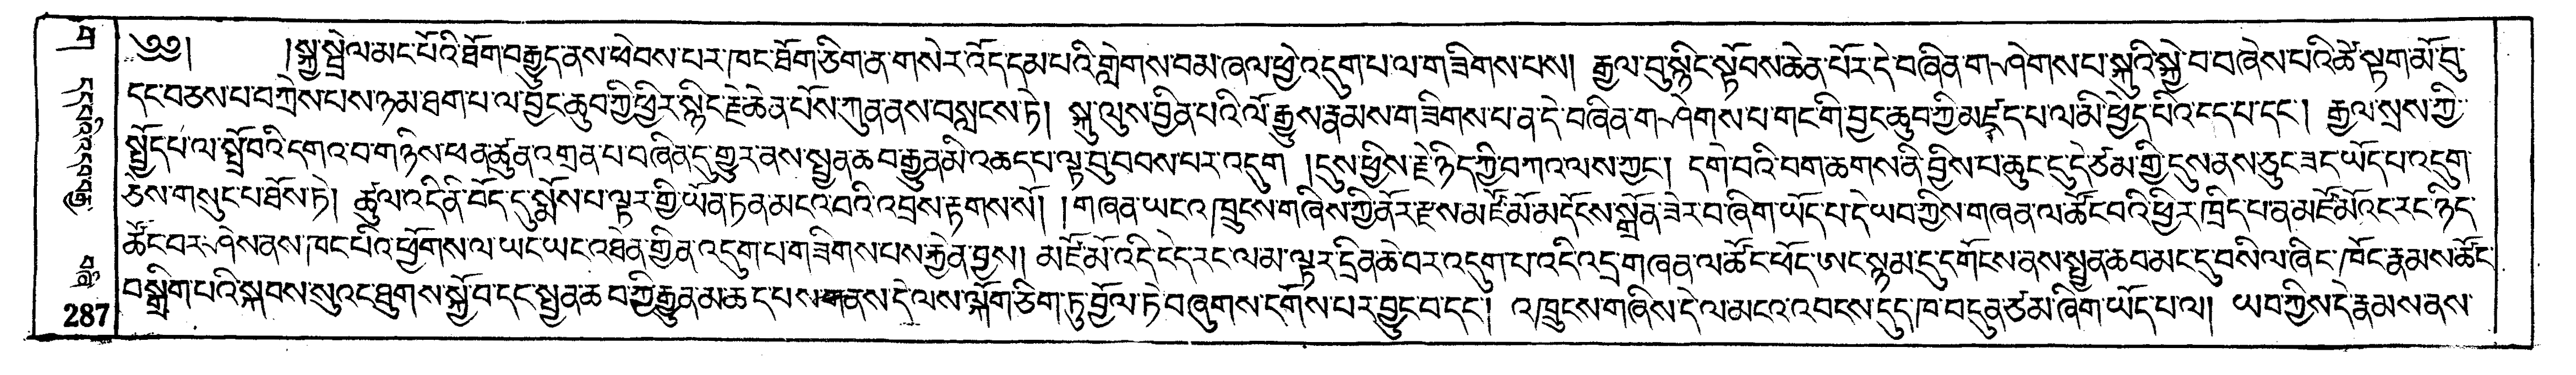༄༅། །སྐྱ་སྦྲེལ་མང་པོའི་ཐོག་བརྒྱུད་ནས་ཕེབས་པར་ཁང་ཐོག་ཅིག་ན་གསེར་འོད་དམ་པའི་གླེགས་བམ་ཞལ་ཕྱེ་འདུག་པ་ལ་གཟིགས་པས། རྒྱལ་བུ་སྙིང་སྟོབས་ཆེན་པོར་དེ་བཞིན་གཤེགས་པ་སྐུའི་སྐྱེ་བ་བཞེས་པའི་ཚེ་སྟག་མོ་བུ་
དང་བཅས་པ་བཀྲེས་པས་ཉམ་ཐག་པ་ལ་བྱང་ཆུབ་ཀྱི་ཕྱིར་སྙིང་རྗེ་ཆེན་པོས་ཀུན་ནས་བསླངས་ཏེ། སྐུ་ལུས་བྱིན་པའི་ལོ་རྒྱུས་རྣམས་གཟིགས་པ་ན་དེ་བཞིན་གཤེགས་པ་གང་གི་བྱང་ཆུབ་ཀྱི་མཛད་པ་ལ་མི་ཕྱེད་པའི་དད་པ་དང་། རྒྱལ་སྲས་ཀྱི་
སྤྱོད་པ་ལ་སྤྲོ་བའི་དགའ་བ་གཉིས་ཕན་ཚུན་འགྲན་པ་བཞིན་དུ་གྱུར་ནས་སྤྱན་ཆབ་རྒྱུན་མི་འཆད་པ་ལྟ་བུ་བབས་པར་འདུག །དུས་ཕྱིས་རྗེ་ཉིད་ཀྱི་བཀའ་ལས་ཀྱང་། དགེ་བའི་བག་ཆགས་ནི་བྱིས་པ་ཆུང་དུ་དེ་ཙམ་གྱི་དུས་ནས་ཅུང་ཟད་ཡོད་པ་འདུག་
ཅེས་གསུང་བ་ཐོས་ཏེ། ཚུལ་འདི་ནི་གོང་དུ་སྨོས་པ་ལྟར་གྱི་ཡོན་ཏན་མངའ་བའི་འབྲས་རྟགས་སོ། །གཞན་ཡང་འཁྲུངས་གཞིས་ཀྱི་ནོར་རྫས་མཛོ་མོ་མདོངས་སྒྲོན་ཟེར་བ་ཞིག་ཡོད་པ་དེ་ཡབ་ཀྱིས་གཞན་ལ་ཚོང་བའི་ཕྱིར་ཁྲིད་པ་ན་མཛོ་མོའང་རང་ཉིད་
ཚོང་པར་ཤེས་ནས་ཁང་པའི་ཕྱོགས་ལ་ཡང་ཡང་འཐེན་གྱིན་འདུག་པ་གཟིགས་པས་རྐྱེན་བྱས། མཛོ་མོ་འདི་ངེད་རང་ལམ་ལྟར་དྲིན་ཆེ་བར་འདུག་པ་འདི་འདྲ་གཞན་ལ་ཚོང་ཕོད་ཨང་སྙམ་དུ་དགོངས་ནས་སྤྱན་ཆབ་མང་དུ་བསིལ་ཞིང་ཁོང་རྣམས་ཚོང་
བསྒྲིག་པའི་སྐབས་སུའང་ཐུགས་སྐྱོ་བ་དང་སྤྱན་ཆབ་ཀྱི་རྒྱུན་མ་ཆད་པས་གནས་དེ་ལས་ལྐོག་ཅིག་ཏུ་བྱོལ་ཏེ་བཞུགས་དགོས་པར་བྱུང་བ་དང་། འཁྲུངས་གཞིས་དེ་ལ་མངའ་འབངས་དུད་ཁ་བདུན་ཙམ་ཞིག་ཡོད་པ་ལ། ཡབ་ཀྱིས་དེ་རྣམས་ནས་